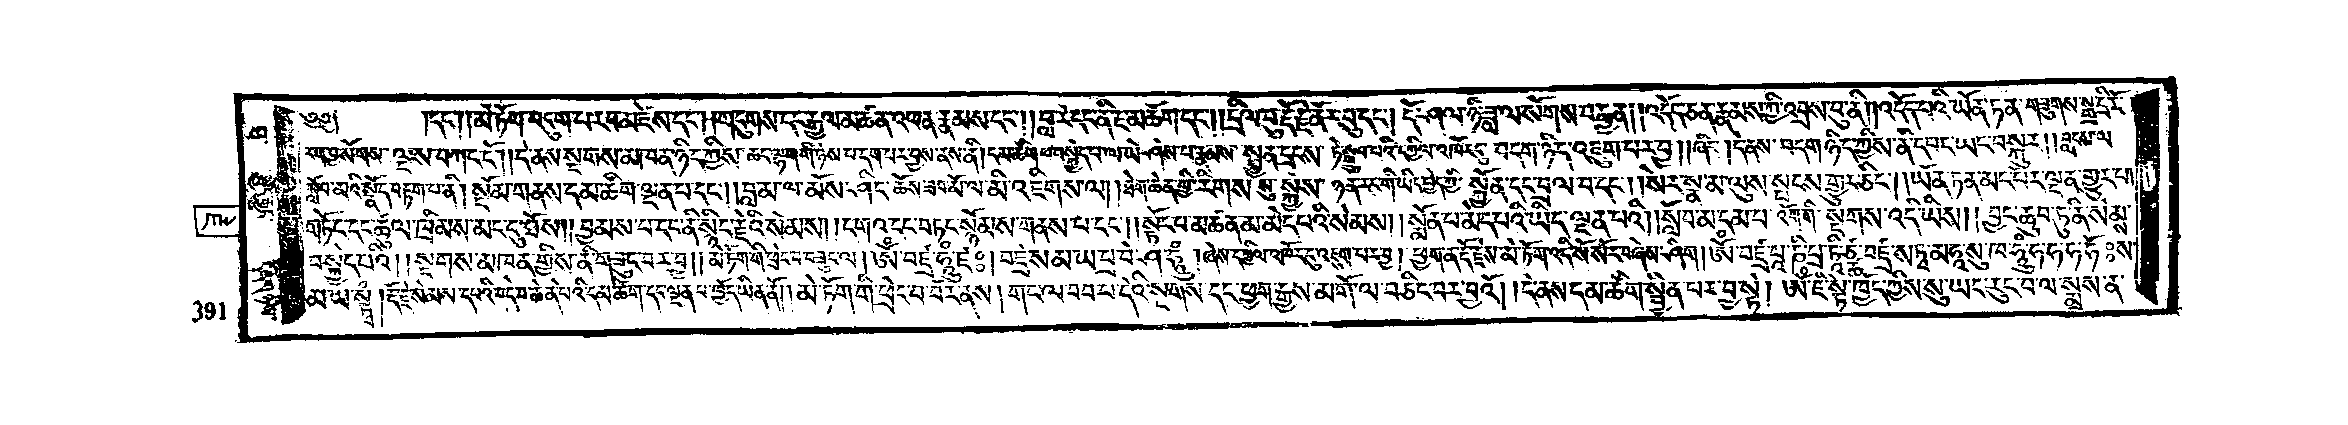༄༅། །དང་། །མེ་ཏོག་བདུག་པ་རབ་མཛེས་དང་། གདུགས་དང་རྒྱལ་མཚན་འཕན་རྣམས་དང་། །བླ་རེ་དང་ནི་རྔ་མཆོག་དང་། །དྲིལ་བུ་རྡོ་རྗེ་ནོར་བུ་དང་། དོ་ཤལ་ཉི་ཟླ་ལ་སོགས་བརྒྱན། །འདོད་ཅན་རྣམས་ཀྱི་འབྲས་བུ་ནི། །འདོད་པའི་ཡོན་ཏན་གཟུགས་སྒྲ་དྲི་རོ་
རག་བྱ་སོགས་ལྔས་བཀང་ངོ། །དེ་ནས་སྔགས་མཁན་ཉིད་ཀྱིས་ཆད་ལྷག་གི་ཉེས་པ་དག་པར་བྱས་ནས་ནི། དམ་ཚིག་པ་བསྐྱེད་པ་ལ་ཡེ་ཤེས་པ་རྣམས་སྤྱན་དྲངས་ཏེ་སྒྲུབ་པའི་དཀྱིལ་འཁོར་དུ་བདག་ཉིད་འཇུག་པར་བྱ། །ཞིང་། དེ་ནས་བདག་ཉིད་ཀྱིས་ནི་དབང་ཡང་བསྐུར། །བླངས་ལ་
སློབ་མའི་སྣོད་བརྟག་པ་ནི། སྡོམ་གནས་དམ་ཚིག་ལྔ་པ་དང་། །བླ་མ་ལ་མོས་ཤིང་ཆོས་ཟབ་མོ་ལ་མི་འཇིགས་ལ། །ཐེག་ཆེན་གྱི་རིགས་སུ་སྐྱེས་ཉན་རང་གི་ཡིད་བྱེད་ཀྱི་སྐྱོན་དང་བྲལ་བ་དང་། །སེར་སྣ་མ་ལུས་སྤངས་གྱུར་ཅིང་། །ཡོན་ཏན་མང་པོར་ལྡན་གྱུར་པ།
གཏོང་དང་ཚུལ་ཁྲིམས་མང་དུ་ཐོས། །བྱམས་པ་དང་ནི་སྙིང་རྗེའི་སེམས། །དགའ་དང་བཏང་སྙོམས་གནས་པ་དང་། །སྟོང་པ་མཚན་མ་མེད་པའི་སེམས། །སྨོན་པ་མེད་པའི་ཡིད་ལྡན་པའི། །སློབ་མ་དམ་པ་འོག་གི་སྔགས་འདི་ཡིས། །བྱང་ཆུབ་ཏུ་ནི་སེམས་
བསྐྱེད་པའི། །སྔགས་མཁན་གྱིས་ནི་གཟུང་བར་བྱ། །མེ་ཏོག་གི་ཕྲེང་བ་བཟུང་ལ།  ཨོཾ་བཛྲ་ཧཱུཾ་ཛཿ། བཛྲ་ས་མ་ཡ་པྲ་བེ་ཤ་ཧཱུཾ། ཞེས་དཀྱིལ་འཁོར་དུ་འཇུག་པར་བྱ།  །ཕྱག་ན་རྡོ་རྗེས་མེ་ཏོག་འདི་སོ་སོར་བཞེས་ཤིག །ཨོཾ་བཛྲ་པཱ་ཎི་པྲ་ཏཱི་ཙྪ་བཛྲ་སཏྭ་མཧཱ་སུ་ཁ་ཧཱུཾ་ཧ་ཧ་ཧ་ཧོཿ ས་
མ་ཡ་སྟྭཾ། རྡོ་རྗེ་སེམས་དཔའི་བདེ་བ་ཆེན་པོའི་དམ་ཚིག་དང་ལྡན་པ་ཁྱོད་ཡིན་ནོ།  །མེ་ཏོག་གི་ཕྲེང་བ་བོར་ནས། གང་ལ་བབ་པ་དེའི་སྔགས་དང་ཕྱག་རྒྱས་མགོ་ལ་བཅིང་བར་བྱའོ། །དེ་ནས་དམ་ཚིག་སྦྱིན་པར་བྱ་སྟེ། ཨོཾ་ཇི་སྟེ་ཁྱོད་ཀྱིས་སུ་ཡང་རུང་བ་ལ་སྨྲས་ན་